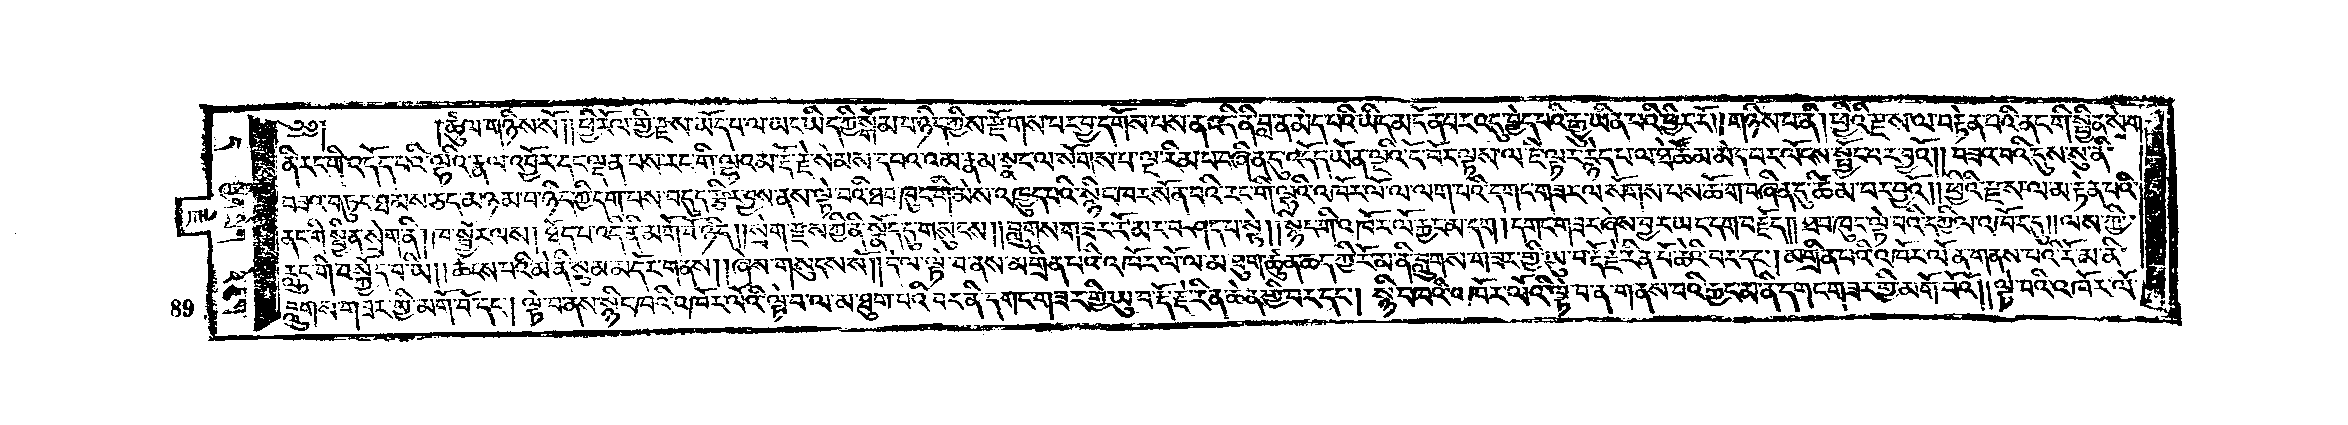༄༅། །ཚུལ་གཉིས་སོ། །ཕྱི་རོལ་གྱི་རྫས་ཡོད་པ་ལ་ཡང་ཡིད་ཀྱི་སྒོམ་པ་ཉིད་ཀྱིས་རྫོགས་པར་བྱ་དགོས་པས་ན་འདི་ནི་བླ་ན་མེད་པའི་ཡིད་མངོན་པར་འདུ་བྱེད་པའི་རྒྱུ་ཡིན་པའི་ཕྱིར་རོ། །གཉིས་པ་ནི། ཕྱིའི་རྫས་ལ་བརྟེན་པའི་ནང་གི་སྦྱིན་སྲེག་
ནི་རང་གི་འདོད་པའི་ལྷའི་རྣལ་འབྱོར་དང་ལྡན་པས་རང་གི་ལྷའམ་རྡོ་རྗེ་སེམས་དཔའ་འམ་རྣམ་སྣང་ལ་སོགས་པ་ལྔ་རིམ་པ་བཞིན་དུ་འདོད་ཡོན་ལྔའི་ངོ་བོར་ལྟས་ལ་ཇི་ལྟར་རྙེད་པ་ལ་ཐེ་ཚོམ་མེད་པར་ལོངས་སྤྱོད་པར་བྱའོ། །བཟའ་བའི་དུས་སུ་ནི་
བཟའ་བཏུང་ཐམས་ཅད་མཉམ་པ་ཉིད་ཀྱི་དག་པས་བདུད་རྩིར་བྱས་ནས་ལྟེ་བའི་ཐབ་ཁུང་གི་མེས་འཁྱུད་པའི་སྙིང་ཁར་སོན་པའི་རང་གི་ལྷའི་འཁོར་ལོ་ལ་ལག་པའི་དགང་གཟར་ལ་སོགས་པས་ཆོ་ག་བཞིན་དུ་ཚིམ་པར་བྱའོ། །ཕྱིའི་རྫས་ལ་མ་རྟེན་པའི་
ནང་གི་སྦྱིན་སྲེག་ནི། ཁ་སྦྱོར་ལས། ཐོད་པ་འདི་ནི་མགོ་བོ་ཉིད། །སྲེག་རྫས་ཀྱི་ནི་སྣོད་དུ་གསུངས། །བླུགས་གཟར་རོ་མར་བཤད་པ་སྟེ། །སྙིང་གི་འཁོར་ལོ་རྐྱང་མ་དག །དགང་གཟར་ཞེས་བྱར་ཡང་དག་བརྗོད། །ཐབ་ཁུང་ལྟེ་བའི་དཀྱིལ་འཁོར་དུ། །ལས་ཀྱི་
རླུང་གི་བསྐྱོད་པ་ཡི། །ཚངས་པའི་མེ་ནི་སུམ་མདོར་གནས། །ཞེས་གསུངས་སོ། །དེ་ལ་ལྟེ་བ་ནས་མགྲིན་པའི་འཁོར་ལོ་ལ་མ་ཐུག་ཚུན་ཆད་ཀྱི་རོ་མ་ནི་བླུགས་གཟར་གྱི་ཡུ་བ་རྡོ་རྗེ་རིན་པོ་ཆེའི་བར་དང་། མགྲིན་པའི་འཁོར་ལོ་ན་གནས་པའི་རོ་མ་ནི་
བླུགས་གཟར་གྱི་མགོ་བོ་དང་། ལྟེ་བ་ནས་སྙིང་ཁའི་འཁོར་ལོའི་ལྟེ་བ་ལ་མ་ཐུག་པའི་བར་ནི་དགང་གཟར་གྱི་ཡུ་བ་རྡོ་རྗེ་རིན་ཆེན་གྱི་བར་དང་། སྙིང་ཁའི་འཁོར་ལོའི་ལྟེ་བ་ན་གནས་པའི་རྐྱང་མ་ནི་དགང་གཟར་གྱི་མགོ་བོའི། །ལྟེ་བའི་འཁོར་ལོ་